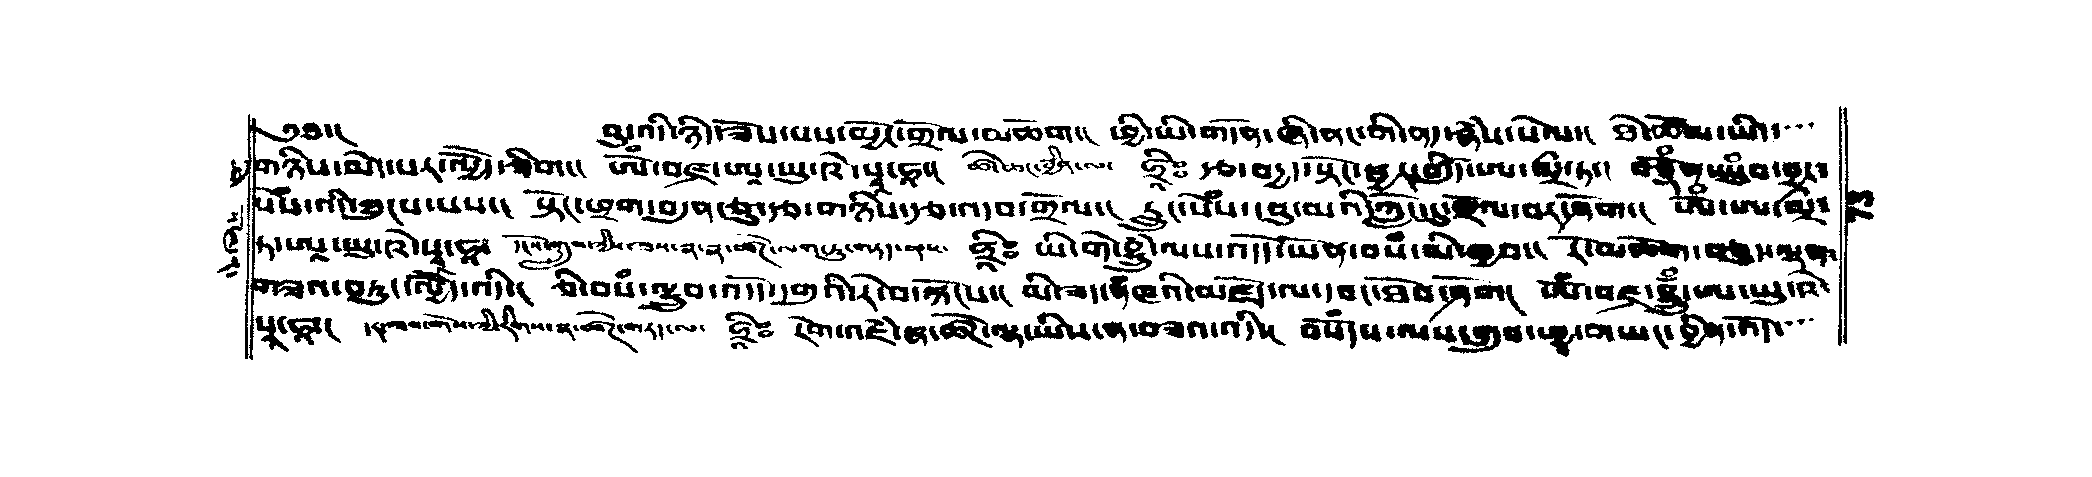བུ་འདི་ཉིད་ཟོས་པས་མྱོང་གྲོལ་མཆོག ཕྱི་ཡི་གདོན་ཞི་ནང་གི་ནད་རྣམས་སེལ། ཐེ་ཚོམ་ཡིད་
གཉིས་མེད་པར་ལོངས་སྤྱོད་ཅིག ཨོཾ་བཛྲ་ཨཱ་ཡུ་རེ་སྭཱ་ཧཱ། ཚེ་ཆང་སྦྱིན་ལ། ཧྲཱིཿརྩ་བརྒྱད་སྟོང་སྦྱར་བདུད་རྩི་ཨ་མྲྀ་ཏ། བཅོམ་ལྡན་ཡབ་ཡུམ་བྱང་
སེམས་འདི་ཐུངས་པས། སྟོང་ཕྲག་བདུ་ཅུ་རྩ་གཉིས་རྩ་འདབ་གྲོལ། རླུང་སེམས་དབུ་མའི་ཀློང་དུ་གྲོལ་བར་ཤོག ཨོཾ་མ་མྲྀ་
ཏ་ཨཱ་ཡུ་རེ་སྭཱ་ཧཱ། དངོས་གྲུབ་ཀྱིས་ཟས་སྣ་སྣ་ཚོགས་ལག་ཏུ་གཏད་ནས། ཧྲཱིཿཡི་གེ་བྷྲུམ་ལས་འདོད་ཡོན་བསམ་མི་ཁྱབ། རོ་མཆོག་བཅུད་ལྡན་
གཟའ་བཏུང་ལོངས་སྤྱོད་འདི། ཅི་བསམ་ལྷུན་གྲུབ་འདོད་དགུའི་རེ་བ་སྐོངས། མི་ཟད་ནམ་མཁའི་མཛོད་ལ་དབང་ཐོབ་ཤོག ཨོཾ་བཛྲ་བྷྲུྃ་ཨ་ཡུ་རེ་
སྭཱ་ཧཱ། དར་ཟས་གོས་ཀྱི་རིགས་སྣ་ཚོགས་གཏད་ལ། ཧྲཱིཿ རེག་འཇམ་སྣ་ཚོགས་ལྷ་ཧཡིས་ན་བཟའ་འདི། བསོད་ནམས་ལས་གྲུབ་ཕྱ་གཡང་བྱིན་འོད་